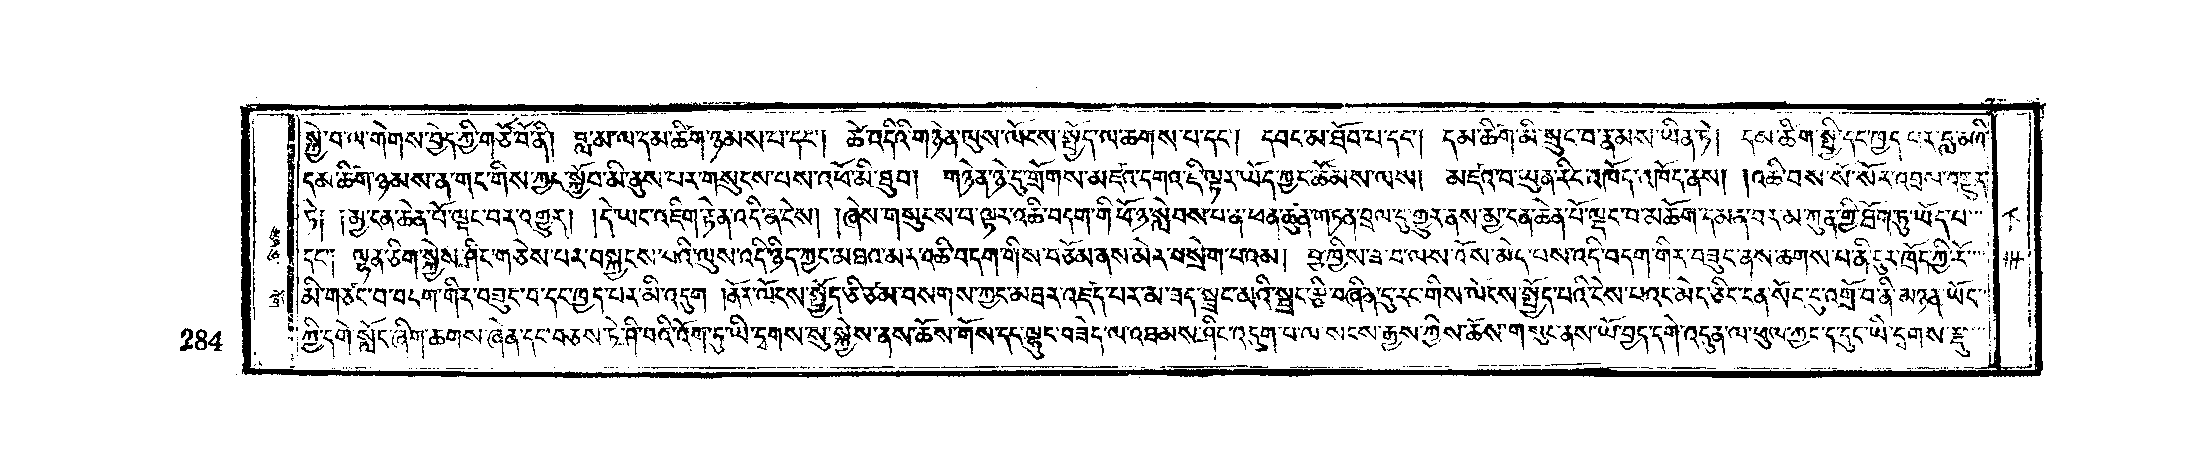སྐྱེ་བ་ལ་གེགས་བྱེད་ཀྱི་གཙོ་བོ་ནི། བླ་མ་ལ་དམ་ཚིག་ཉམས་པ་དང་། ཚེ་འདིའི་གཉེན་ལུས་ལོངས་སྤྱོད་ལ་ཆགས་པ་དང་། དབང་མ་ཐོབ་པ་དང་། དམ་ཚིག་མི་སྲུང་བ་རྣམས་ཡིན་ཏེ། དམ་ཚིག་སྤྱི་དང་ཁྱད་པར་བླ་མའི་
དམ་ཚིག་ཉམས་ན་གང་གིས་ཀྱང་སྐྱོབ་མི་ནུས་པར་གསུངས་པས་འཕོ་མི་ཐུབ། གཉེན་ཉེ་དུ་གྲོགས་མཛའ་དགའ་ཇི་ལྟར་ཡོད་ཀྱང་ཚོམས་ལས། མཛའ་བ་ཡུན་རིང་འཁོད་འཁོད་ནས། །འཆི་བས་སོ་སོར་འབྲལ་འགྱུར་
ཏེ། །མྱ་ངན་ཆེན་པོ་ལྡང་བར་འགྱུར། །དེ་ཡང་འཇིག་རྟེན་འདི་ན་ངེས། །ཞེས་གསུངས་པ་ལྟར་འཆི་བདག་གི་ཕོ་ཉ་སླེབས་པ་ན་ཕན་ཚུན་གཏན་བྲལ་དུ་གྱུར་ནས་མྱ་ངན་ཆེན་པོ་ལྡང་བ་མཆོག་དམན་པར་མ་ཀུན་གྱི་ཐོག་ཏུ་ཡོད་པ་
དང་། ལྷན་ཅིག་སྐྱེས་ཤིང་གཅེས་པར་བསྐྱངས་པའི་ལུས་འདི་ཉིད་ཀྱང་མཐའ་མར་འཆི་བདག་གིས་བཅོམ་ནས་མེར་བསྲེག་པའམ། བྱ་ཁྱིས་ཟ་བ་ལས་འོས་མེད་པས་འདི་བདག་གིར་བཟུང་ནས་ཆགས་པ་ནི་དུར་ཁྲོད་ཀྱི་རོ་
མི་གཙང་བ་བདག་གིར་བཟུང་བ་དང་ཁྱད་པར་མི་འདུག །ནོར་ལོངས་སྤྱོད་ཅི་ཙམ་བསགས་ཀྱང་མཐར་འཛད་པར་མ་ཟད་སྦྲང་མའི་སྦྲང་རྩི་བཞིན་དུ་རང་གིས་ལོངས་སྤྱོད་པའི་ངེས་པའང་མེད་ཅིང་ངན་སོང་དུ་འགྲོ་བ་ནི་མཉན་ཡོང་
ཀྱི་དགེ་སློང་ཞིག་ཆགས་ཞེན་དང་བཅས་ཏེ་ཤི་བའི་འོག་ཏུ་ཡི་དྭགས་སུ་སྐྱེས་ནས་ཆོས་གོས་དང་ལྷུང་བཟེད་ལ་འཐམས་ཤིང་འདུག་པ་ལ་སངས་རྒྱས་ཀྱིས་ཆོས་གསུང་ནས་ཡོ་བྱད་དགེ་འདུན་ལ་ཕུལ་ཀྱང་ད་དུང་ཡི་དྭགས་རྫུ་